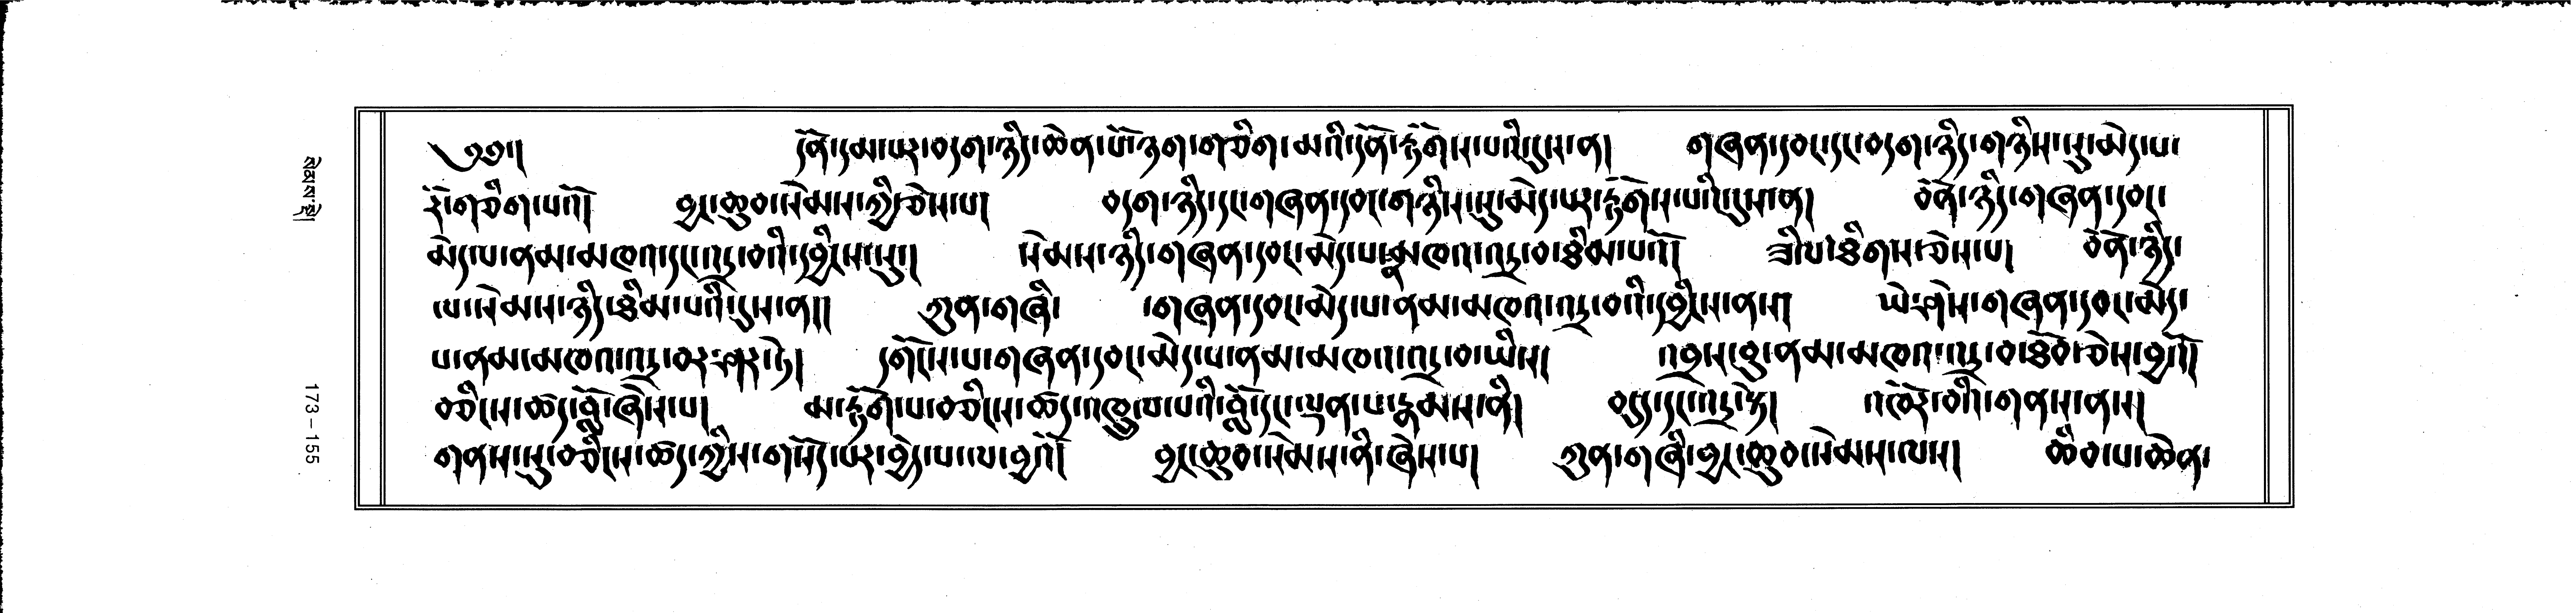དོན་དམ་པར་བདག་ཉིད་ཆེན་པོ་ཉག་གཅིག་མའི་དོན་རྟོགས་པའི་དུས་ན། གཞན་དབང་དང་བདག་ཉིད་གཉིས་སུ་མེད་པ་
རོ་གཅིག་པའོ། །བྱང་ཆུབ་སེམས་ཀྱི་ཅེས་པ། བདག་ཉིད་དང་གཞན་དབང་གཉིས་སུ་མེད་པ་རྟོགས་པའི་དུས་ན། བོན་ཉིད་གཞན་དབང་
མེད་པ་ནམ་མཁའ་དང་འདྲ་བའི་དབྱིངས་སུ། སེམས་ཉིད་གཞན་དབང་མེད་པ་ནམ་མཁའ་དང་འདྲ་བ་ཐིམ་པའོ། །ཟིལ་ཐིགས་ཅེས་པ། བོན་ཉིད་
ལ་སེམས་ཉིད་ཐིམ་པའི་དུས་ན། ཀུན་གཞི་གཞན་དབང་མེད་པ་ནམ་མཁའ་འདྲ་བའི་དབྱིངས་ནས། ཡེ་ཤེས་གཞན་དབང་མེད་
པ་ནམ་མཁའ་འདྲ་བ་ཤར་ཏེ། དགོངས་པ་གཞན་དབང་མེད་པ་ནམ་མཁའ་འདྲ་བ་ཡིས། །འབྲས་བུ་གཞན་དབང་མེད་པ་ནམ་མཁའ་འདྲ་བ་ཐོབ་ཅེས་བྱའོ། །
བཅིངས་ཚད་བློ་ཞེས་པ། མ་རྟོགས་པ་བཅིང་ཚད་འཁྲུལ་པའི་བློ་དང་ལྡན་པ་རྣམས་ནི། བདུད་དང་འདྲ་སྟེ། འཁོར་བའི་གནས་ནས་
གནས་སུ་བཅིངས་ཚད་ཀྱིས་གསོད་པར་བྱེད་པ་ལ་བྱའོ། །བྱང་ཆུབ་སེམས་ནི་ཞེས་པ། ཀུན་གཞི་བྱང་ཆུབ་ཀྱི་སེམས་ལས། ཆིབ་པ་ཆེན་